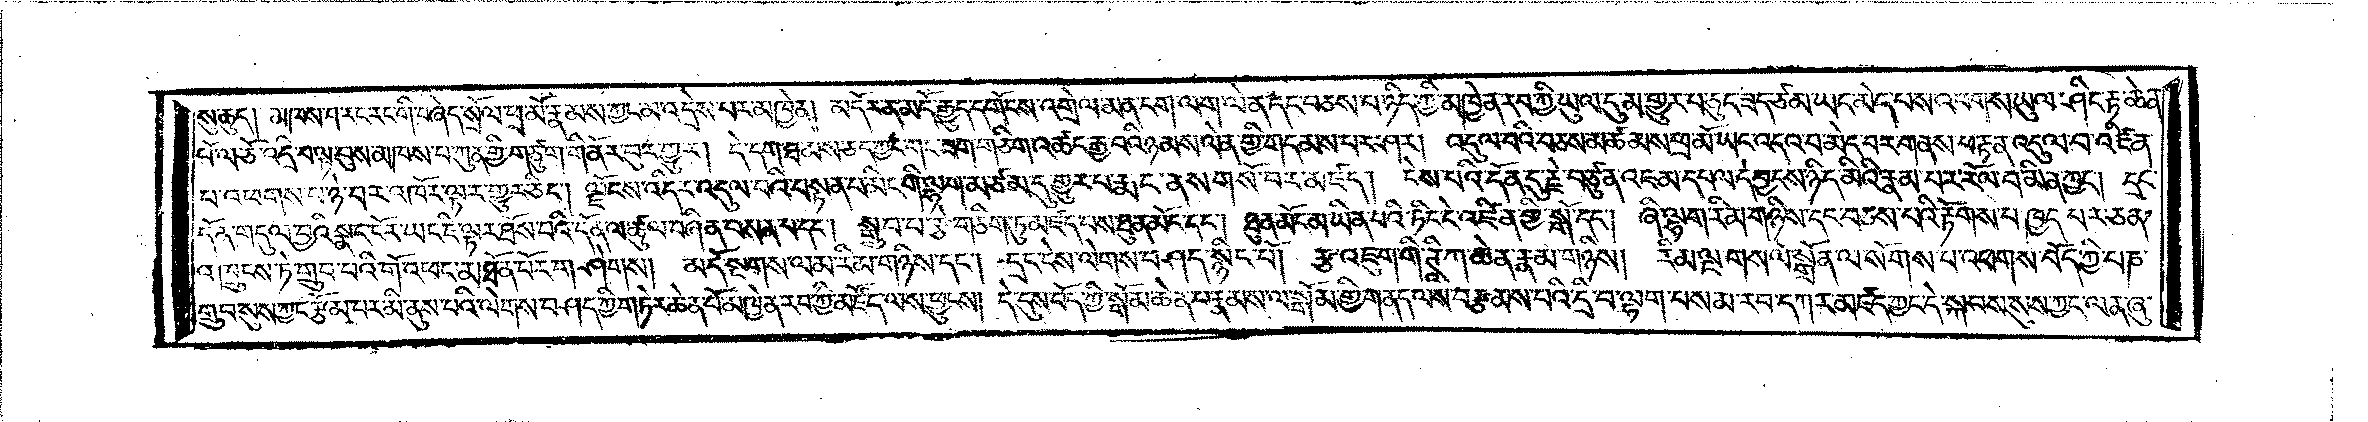སུ་ཆུད། མཁས་བ་རང་རང་གི་བཞེད་སྲོལ་ཕྲ་མོ་རྣམས་ཀྱང་མ་འདྲེས་པར་མཁྱེན། མདོར་ན་མདོ་རྒྱུད་དགོངས་འགྲེལ་མན་ངག་ལག་ལེན་དང་བཅས་པ་ཉིད་ཀྱི་མཁྱེན་རབ་ཀྱི་ཡུལ་དུ་མ་གྱུར་བ་ཅུང་ཟད་ཙམ་ཡང་མེད་པས་འཕགས་ཡུལ་ཤིང་རྟ་ཆེན་
པོ་ལ་ཅོ་འདྲི་བ་ལྟ་བུས་མཁས་པ་ཀུན་གྱི་གཙུག་གི་ནོར་བུར་གྱུར། དེ་དག་ཐམས་ཅད་ཀྱང་གང་ཟག་གཅིག་འཚང་རྒྱ་བའི་ཉམས་ལེན་གྱི་གདམས་པར་ཤར། འདུལ་བའི་བཅས་མཚམས་ཕྲ་མོ་ཡང་འདའ་བ་མེད་པར་གནས་ཕ་རྟན་འདུལ་བ་འཛིན་
པ་འཕགས་པ་ཉེ་བར་འཁོར་ལྟར་གྱུར་ཅིང་། ལྗོངས་འདིར་འདུལ་པའི་བསྟན་པ་མིང་གི་ལྷག་མ་ཙམ་དུ་གྱུར་པ་རྨང་ནས་གསོ་བར་མཛད། ངེས་པའི་དོན་དུ་རྗེ་བཙུན་འཇམ་དཔལ་དབྱངས་ཉིད་མིའི་རྣམ་པར་རོལ་བ་མིན་ཀྱང་། དྲང་
དོན་གདུལ་བྱའི་སྣང་ངོར་ཡང་ཇི་ལྟར་ཐོས་པའི་དོན་ལ་ཚུལ་བཞིན་བསན་པ་དང་། སྒྲུབ་པ་རྩེ་གཅིག་ཏུ་མཛད་པས་ཐུན་མོང་དང་། ཐུན་མོང་མ་ཡིན་པའི་ཏིང་ངེ་འཛིན་གྱི་སྒོ་དང་། ཞི་ལྷག་རིམ་གཉིས་དང་བཅས་པའི་རྟོགས་པ་ཁྱད་པར་ཅན་
འཁྲུངས་ཏེ་གྲུབ་པའི་གོ་འཕང་མཐོན་པོར་གཤེགས། མདོ་སྔགས་ལམ་རིམ་གཉིས་དང་། དྲང་ངེས་ལེགས་བཤད་སྙིང་པོ། རྩ་འཇུག་གི་ཊཱིཀ་ཆེན་རྣམས་གཉིས། རིམ་ལྔ་གསལ་སྒྲོན་ལ་སོགས་པ་འཕགས་བོད་ཀྱི་པཎ་
གྲུབ་སུས་ཀྱང་རྩོམ་པར་མི་ནུས་པའི་ལེགས་བཤད་ཀྱི་གཏེར་ཆེན་པོ་མཁྱེན་རབ་ཀྱི་མཛོད་ལས་ཕྱུངས། དེ་དུས་བོད་ཀྱི་སྒོམ་ཆེན་པ་རྣམས་ལ་སྒོམ་གྱི་གནད་ལས་བརྩམས་པའི་དྲི་བ་ལྷག་བསམ་རབ་དཀར་མཛད་ཀྱང་དེ་སྐབས་སུས་ཀྱང་ལན་ཞུ་